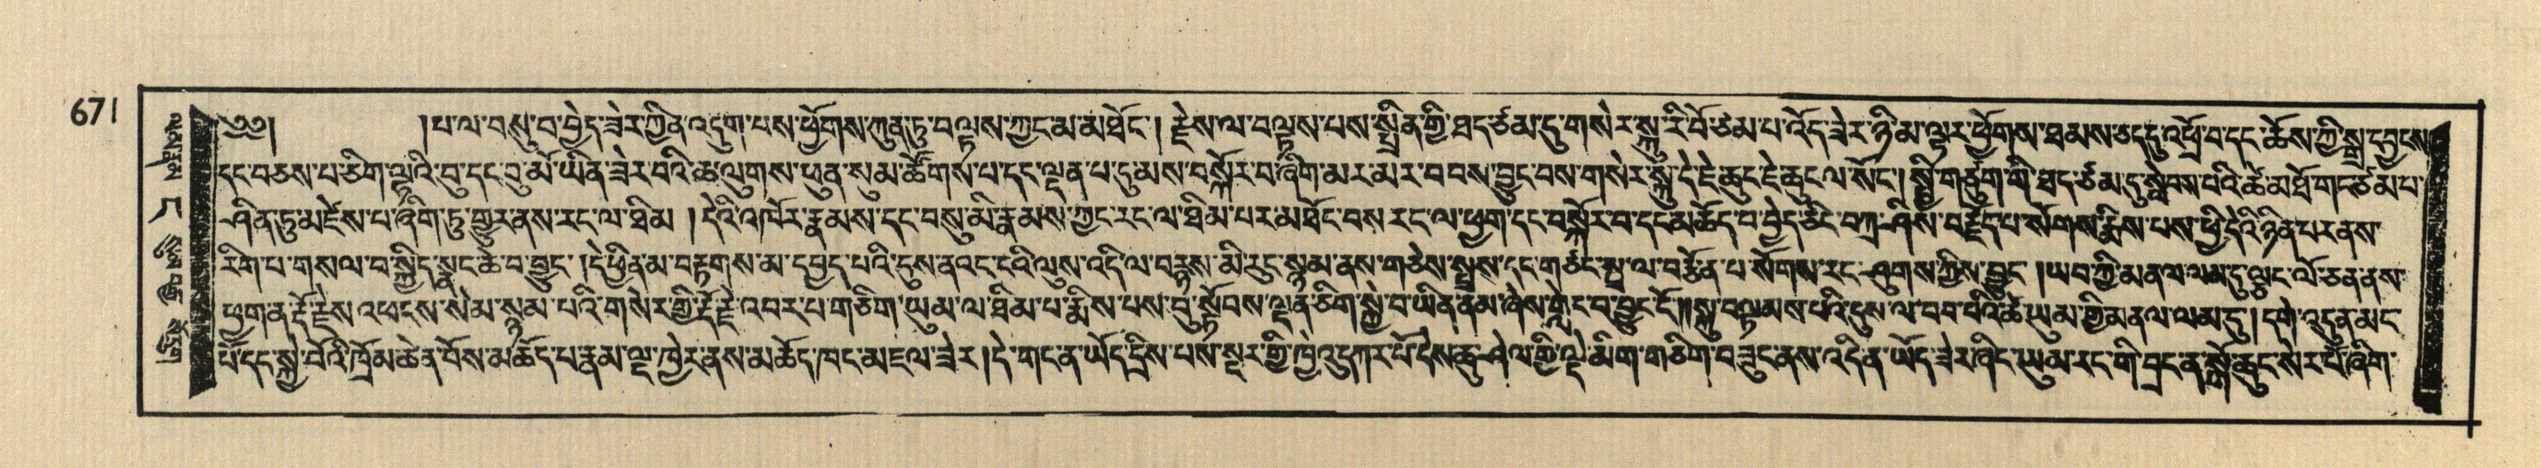༄༅། །པ་ལ་བསུ་བ་བྱེད་ཟེར་ཀྱིན་འདུག་པས་ཕྱོགས་ཀུན་ཏུ་བལྟས་ཀྱང་མ་མཐོང་། རྗེས་ལ་བལྟས་པས་སྤྲིན་གྱི་ཐད་ཙམ་དུ་གསེར་སྐུ་རི་བོ་ཙམ་པ་འོད་ཟེར་ཉི་མ་ལྟར་ཕྱོགས་ཐམས་ཅད་དུ་འཕྲོ་བ་དང་ཆོས་ཀྱི་སྒྲ་དབྱངས་
དང་བཅས་པ་ཅིག་ལྷའི་བུ་དང་བུ་མོ་ཡིན་ཟེར་བའི་ཆ་ལུགས་ཕུན་སུམ་ཚོགས་པ་དང་ལྡན་པ་དུ་མས་བསྐོར་བ་ཞིག་མར་མར་བབས་བྱུང་བས་གསེར་སྐུ་དེ་ཇེ་ཆུང་ཇེ་ཆུང་ལ་སོང་། སྤྱི་གཙུག་གི་ཐད་ཙམ་དུ་སླེབས་པའི་ཚེ་མཐོག་གང་ཙམ་པ་
ཤིན་ཏུ་མཛེས་པ་ཞིག་ཏུ་གྱུར་ནས་རང་ལ་ཐིམ་།དེའི་འཁོར་རྣམས་དང་བསུ་མི་རྣམས་ཀྱང་རང་ལ་ཐིམ་པར་མཐོང་བས་རང་ལ་ཕྱག་དང་བསྐོར་བ་དང་མཆོད་བ་བྱེད་ཅིང་བཀྲ་ཤིས་བརྗོད་པ་སོགས་རྨིས་པས་ཕྱི་དེའི་ཉིན་པར་ནས་
རིག་པ་གསལ་བ་སྐྱིད་སྣང་ཆེ་བ་བྱུང་།དེ་ཕྱིན་མ་བརྟགས་མ་དཔྱད་པའི་དུས་ནའང་ངའི་ལུས་འདི་ལ་བརྙས་མི་རུང་སྙམ་ནས་གཅེས་སྤྲས་དང་གཙང་སྤྲ་ལ་བཙོན་པ་སོགས་རང་ཤུགས་ཀྱིས་བྱུང་།ཡབ་ཀྱི་མནལ་ལམ་དུ་ལྕང་ལོ་ཅན་ནས་
ཕྱག་ན་རྡོ་རྗེས་འཕངས་སེམ་སྙམ་པའི་གསེར་གྱི་རྡོ་རྗེ་འབར་པ་གཅིག་ཡུམ་ལ་ཐིམ་པ་རྨིས་པས་བུ་སྟོབས་ལྡན་ཅིག་སྐྱེ་བ་ཡིན་ནམ་ཞེས་གླེང་བ་བྱུང་ངོ། །སྐུ་བལྟམས་པའི་དུས་ལ་བབ་པའི་ཚེ་ཡུམ་གྱི་མནལ་ལམ་དུ། དགེ་འདུན་མང་
པོ་དང་སྐྱེ་བོའི་ཁྲོམ་ཆེན་བོས་མཆོད་པ་རྣམ་ལྔ་ཁྱེར་ནས་མཆོད་ཁང་མཇལ་ཟེར་།དེ་གང་ན་ཡོད་དྲིས་པས་སྔར་གྱི་ཁྱེའུ་དཀར་པོ་དེས་ཆུ་ཤེལ་གྱི་ལྡེ་མིག་གཅིག་བཟུང་ནས་འདི་ན་ཡོད་ཟེར་ཞིང་ཡུམ་རང་གི་བྲང་ན་སྒོ་ཆུང་སེར་པོ་ཞིག་